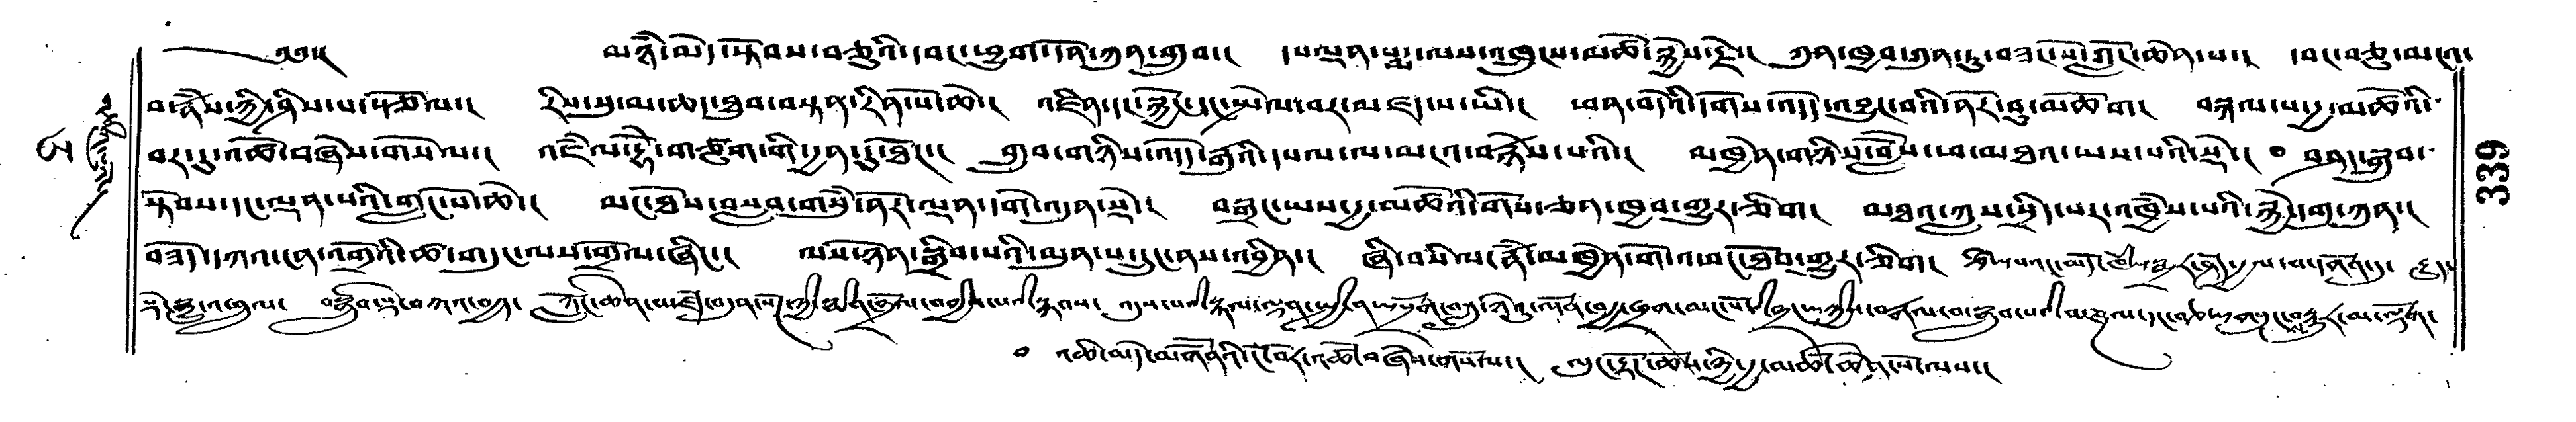༄༅། མཉམ་མེད་སྟོབས་བཅུའི་དབང་ཕྱུག་དོན་ཀུན་གྲུབ། །དཔལ་ལྡན་པདྨ་ལས་འཁྲུངས་མཚོ་སྐྱེས་རྗེ། །ཀུན་ཁྱབ་ཀུན་ཏུ་བཟང་པོ་ཀློང་ཆེན་པ། །དབང་བཅུ་མངའ་
བ་རྣམས་ཀྱིས་ཤིས་པ་སྩོལ། །རིས་སུ་མ་ཆད་ཐུབ་བསྟན་རིན་པོ་ཆེ། །འཛིན་དང་སྐྱོང་དང་སྤེལ་བར་མཛད་པ་ཡི། །ཕན་བདེའི་དགོས་འདོད་འབྱུང་བའི་ནོར་བུ་མཆོག །བསྐལ་པ་རྒྱ་མཚོའི་
བར་དུ་འཚོ་གཞེས་གསོལ། །འཇམ་དཔལ་རྡོ་རྗེ་གཙུག་གི་རྒྱན་དུ་ཐོགས། །གྲུབ་གཉིས་འདོད་རྒུའི་དཔལ་ལ་མངའ་བརྙེས་པའི། །མཁྱེན་གཉིས་བློ་གྲོས་ཕ་མཐའ་ཡས་པའི་སྡེ། །འཆི་མེད་མགོན་པོའི་ངོ་བོར་འཚོ་བཞེས་གསོལ། །ལུང་རྟོགས་ཆོས་ཀྱི་རྒྱ་མཚོ་ཆེན་པོ་ལས། །བཤད་སྒྲུབ་
སྟོབས་དང་ལྡན་པའི་གླང་པོ་ཆེ། །མང་ཐོས་བསླབ་གསུམ་ནོར་ལྡན་དགེ་འདུན་སྡེ། །བགྲང་ཡས་རྒྱ་མཚོའི་གོས་ཅན་ཁྱབ་གྱུར་ཅིག །མཐའ་ཀླས་སྲིད་པར་འཁྱམས་པའི་སྐྱེ་རྒུ་ཀུན། །
བཟོད་དཀའ་ངན་འགྲོའི་ཚ་གདུང་ལས་གྲོལ་ཞིང་། །ལས་ཉོན་སྒྲིབ་པའི་མུན་པ་དྲུང་ནས་འབྱིན། །ཞི་བསིལ་རྣམ་མཁྱེན་གོ་འཕང་ཐོབ་གྱུར་ཅིག ཅེས་པའང་མདོ་ཁམས་སྨར་ཤོད་རྒྱལ་བ་དགོན་དུ། རྒྱུད་
སྡེ་སྒྱུ་འཕྲུལ། སྒྲུབ་སྡེ་བཀའ་བརྒྱད། ཀློང་ཆེན་མཛོད་བདུན་སོགས་ཀྱི་སྨིན་གྲོལ་བགྱིས་པའི་སྐབས། འདུས་པའི་སྐལ་ལྡན་སྤྱི་ནས་སྲོག་བསླུ་ཉེའུ་འདོན་བརྒྱ་ཕྲག་མང་པོའི་གྲངས་ཀྱིས་བརྒལ་བ་སྒྲུབ་པའི་མཎྜལ་དང་བཅས་གསུང་བསྐུལ་མ་ལྡོག་